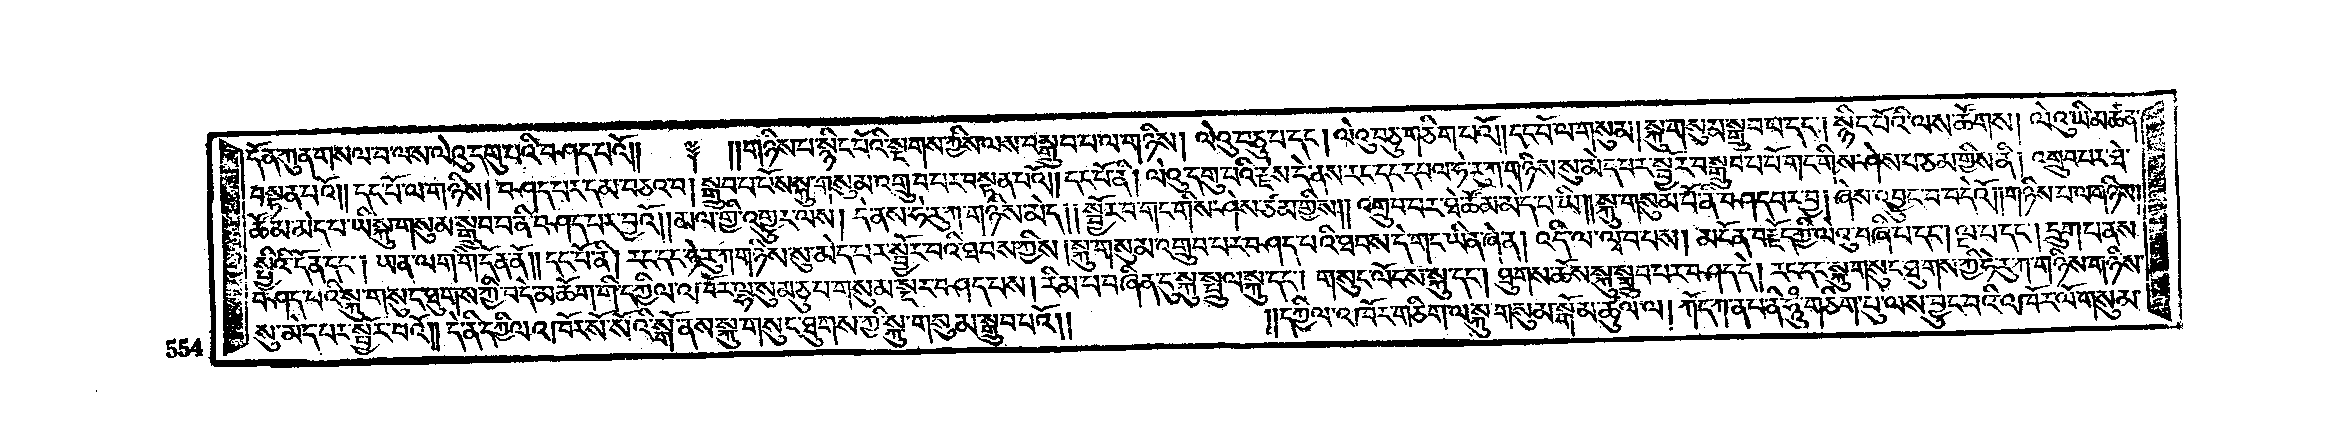དོན་ཀུན་གསལ་བ་ལས་ལེའུ་དགུ་པའི་བཤད་པའོ།། ༈ །།གཉིས་པ་སྙིང་པོའི་སྔགས་ཀྱིས་ལས་བསྒྲུབ་པ་ལ་གཉིས། ལེའུ་བཅུ་པ་དང་། ལེའུ་བཅུ་གཅིག་པའོ། །དང་པོ་ལ་གསུམ། སྐུ་གསུམ་སྒྲུབ་པ་དང་། སྙིང་པོའི་ལས་ཚོགས། ལེའུ་ཡི་མཚན་
བསྟན་པའོ། །དང་པོ་ལ་གཉིས། བཤད་པར་དམ་བཅའ་བ། སྒྲུབ་པ་པོས་སྐུ་གསུམ་འགྲུབ་པར་བསྟན་པའོ། །དང་པོ་ནི། ལེའུ་དགུ་པའི་རྗེས་དེ་ནས་རང་དང་དཔལ་ཧེ་རུ་ཀ་གཉིས་སུ་མེད་པར་སྦྱོར་བ་སྒྲུབ་པ་པོ་གང་གིས་ཤེས་པ་ཙམ་གྱིས་ནི། འགྲུབ་པར་ཐེ་
ཚོམ་མེད་པ་ཡི་སྐུ་གསུམ་སྒྲུབ་པ་ནི་བཤད་པར་བྱའོ། །མལ་གྱི་འགྱུར་ལས། དེ་ནས་ཧེ་རུ་ཀ་གཉིས་མེད། །སྦྱོར་བ་གང་གིས་ཤེས་ཙམ་གྱིས། །འགྲུབ་པར་ཐེ་ཚོམ་མེད་པ་ཡི། །སྐུ་གསུམ་པ་ནི་བཤད་པར་བྱ། ཞེས་འབྱུང་བ་བདེའོ། །གཉིས་པ་ལ་གཉིས།
སྤྱིའི་དོན་དང་། ཡན་ལག་གི་དོན་ནོ། །དང་པོ་ནི། རང་དང་ཧེ་རུ་ཀ་གཉིས་སུ་མེད་པར་སྦྱོར་བའི་ཐབས་ཀྱིས། སྐུ་གསུམ་འགྲུབ་པར་བཤད་པའི་ཐབས་དེ་གང་ཡིན་ཞེ་ན། འདི་ལ་ལྭ་བ་པས། མངོན་བརྗོད་ཀྱི་ལེའུ་བཞི་པ་དང་། ལྔ་པ་དང་། དྲུག་པ་ནས་
བཤད་པའི་སྐུ་གསུང་ཐུགས་ཀྱི་བདེ་མཆོག་གི་དཀྱིལ་འཁོར་ལྷ་སུམ་ཅུ་པ་གསུམ་སྔར་བཤད་པས། རིམ་པ་བཞིན་དུ་སྐུ་སྤྲུལ་སྐུ་དང་། གསུང་ལོངས་སྐུ་དང་། ཐུགས་ཆོས་སྐུ་སྒྲུབ་པར་བཤད་དེ། རང་དང་སྐུ་གསུང་ཐུགས་ཀྱི་ཧེ་རུ་ཀ་གཉིས་གཉིས་
སུ་མེད་པར་སྦྱོར་བའོ། །དེ་ནི་དཀྱིལ་འཁོར་སོ་སོའི་སྒོ་ནས་སྐུ་གསུང་ཐུགས་ཀྱི་སྐུ་གསུམ་སྒྲུབ་པའོ།། །།དཀྱིལ་འཁོར་གཅིག་ལ་སྐུ་གསུམ་སྒོམ་ཚུལ་ལ། ཀོད་ཀ་ན་པ་ནི་ཧཱུཾ་གཅིག་པུ་ལས་བྱུང་བའི་འཁོར་ལོ་གསུམ་